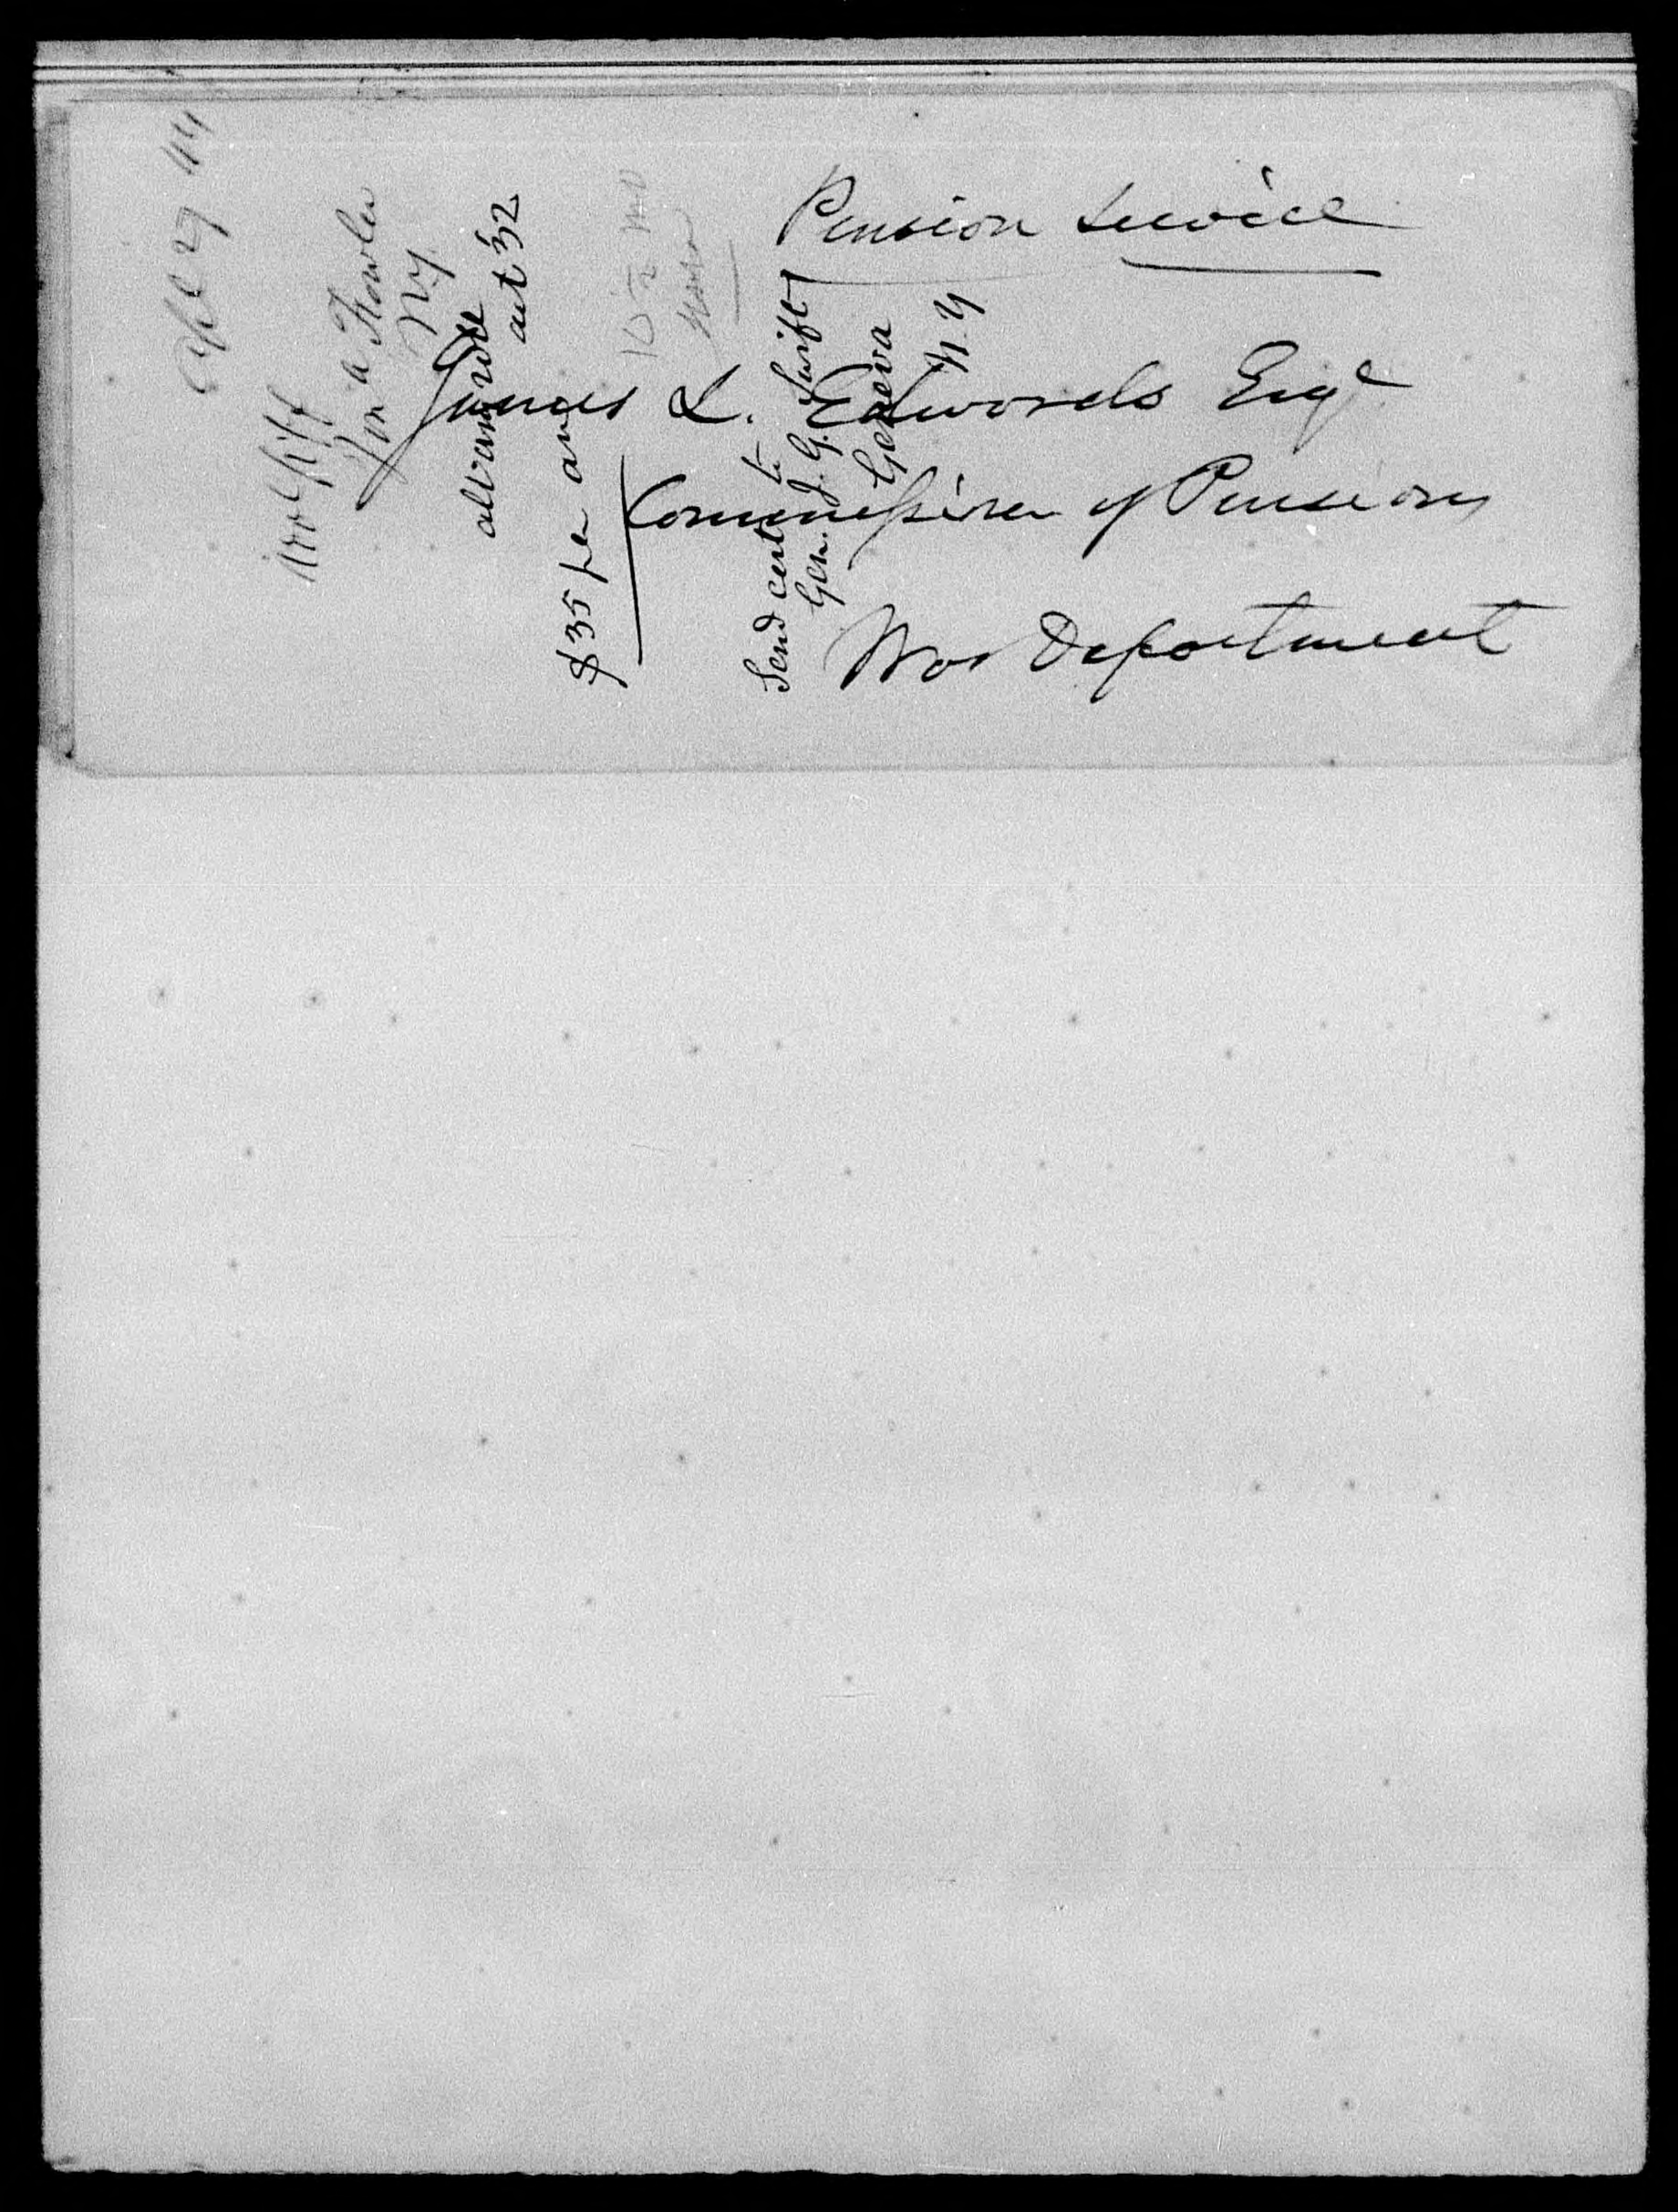Pension Service
James L. Edwards Esqr.
Commissioner of Pensions
War Department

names: J G Swift, Jona Fowler, James L Edwards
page: 38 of 44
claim: survivor's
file: S. 23639, Jonathan Fowler, New York